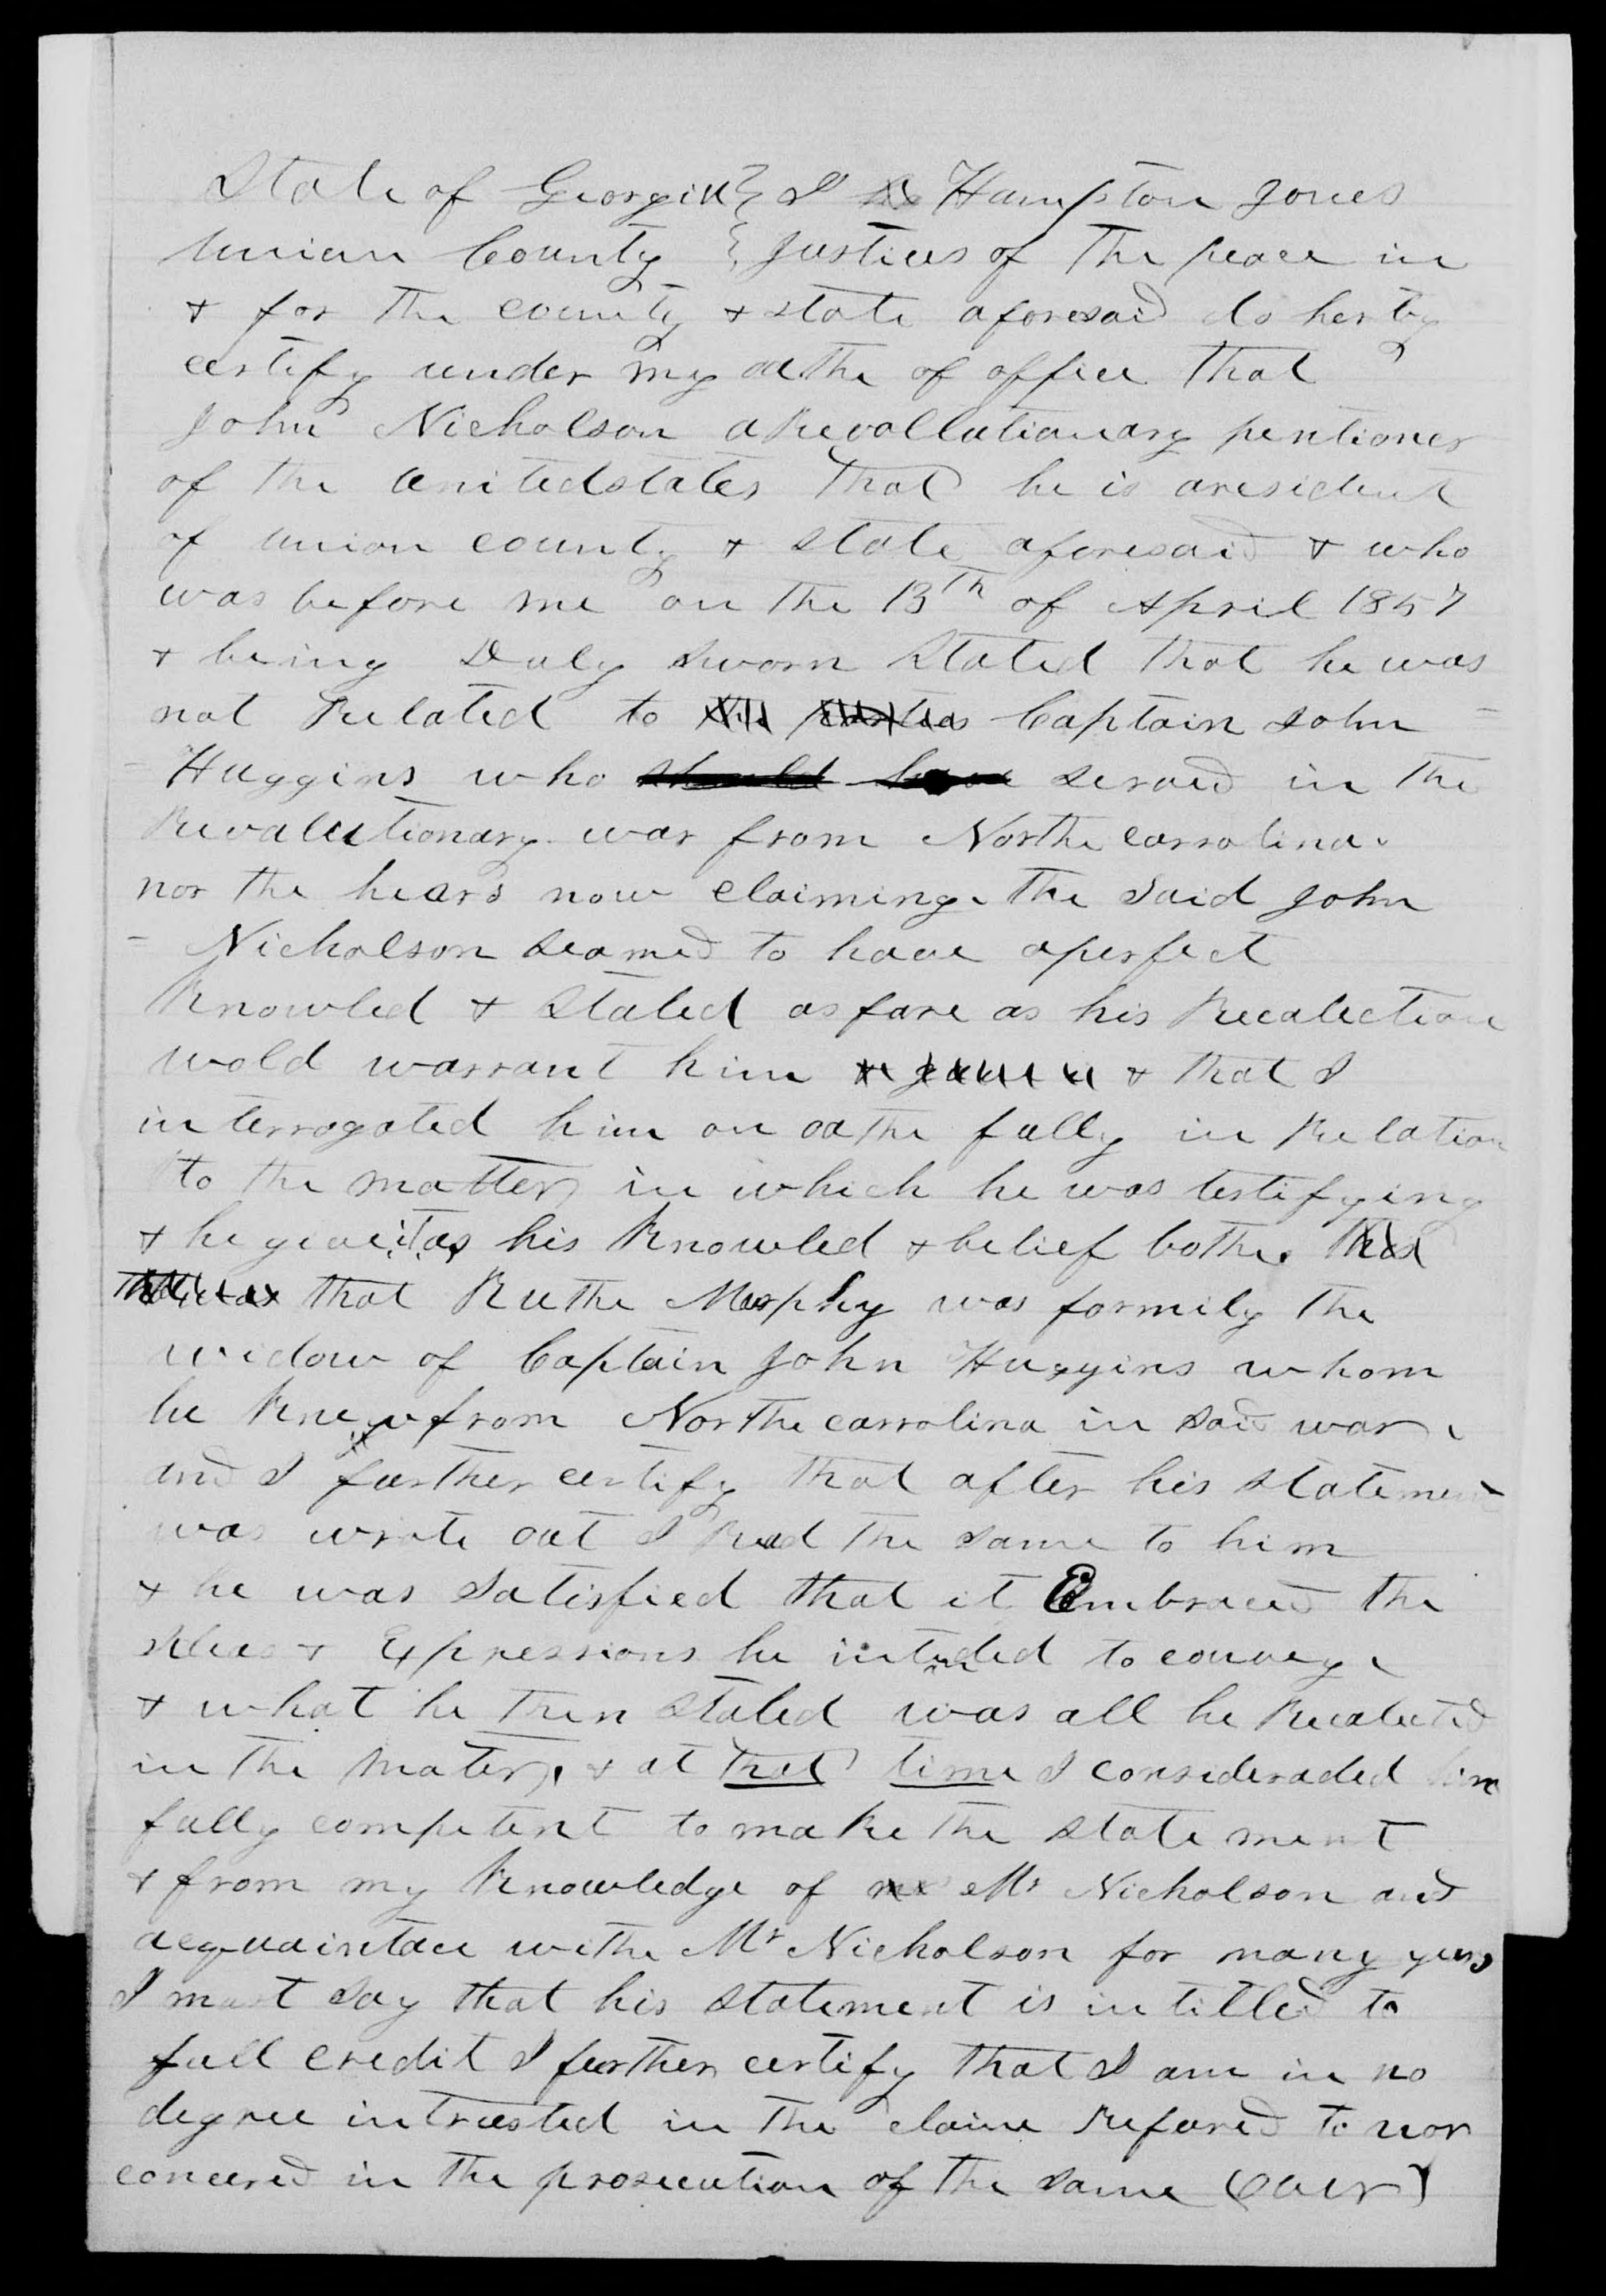States of Georgia
Union County
Hampton Jones Justice of the Peace in & for the county & state aforesaid do hereby certify under my oath of office that John Nicholson a revolutionary pensioner of the United States that he is a resident of Union County & state aforesaid & who was before me on tthe 13th of April 1857 & being duly sworn stated that he was not related to Captain John Huggins who served in the Revolutionary war from North Carolina nor the heard now claiming the said John Nicholson seemed to have a perfect knowledge & stated as far as his recollection wold warrant him & and that interrogated him on oath fully in  relation to this matter in which he was testifying & he () his knowledge & belief both that Ruth Murphy was formerly the widow of Captain John Huggins whom he knew from North Carrolina in Said war. And I further certify that after his statement was write out I read the same to him & he was satisfied that it embraced the ideas & expressions he intended to convey & what he then stated was all he recollected in the matter & at that time I considered him fully competent to make the statement & from my knowledge of Mr. Nicholson and aquaintance with Mr. Nicholson for many years I must say that his statement is in title to full credit I further certify that I am in no degree interested in the claim afored to concerned in the proscedution of the same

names: John Nicholson, John Huggins, Hampton Jones, Rutha Murphy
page: 76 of 108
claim: rejected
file: R. 7,515, John Hudgins, N.C.